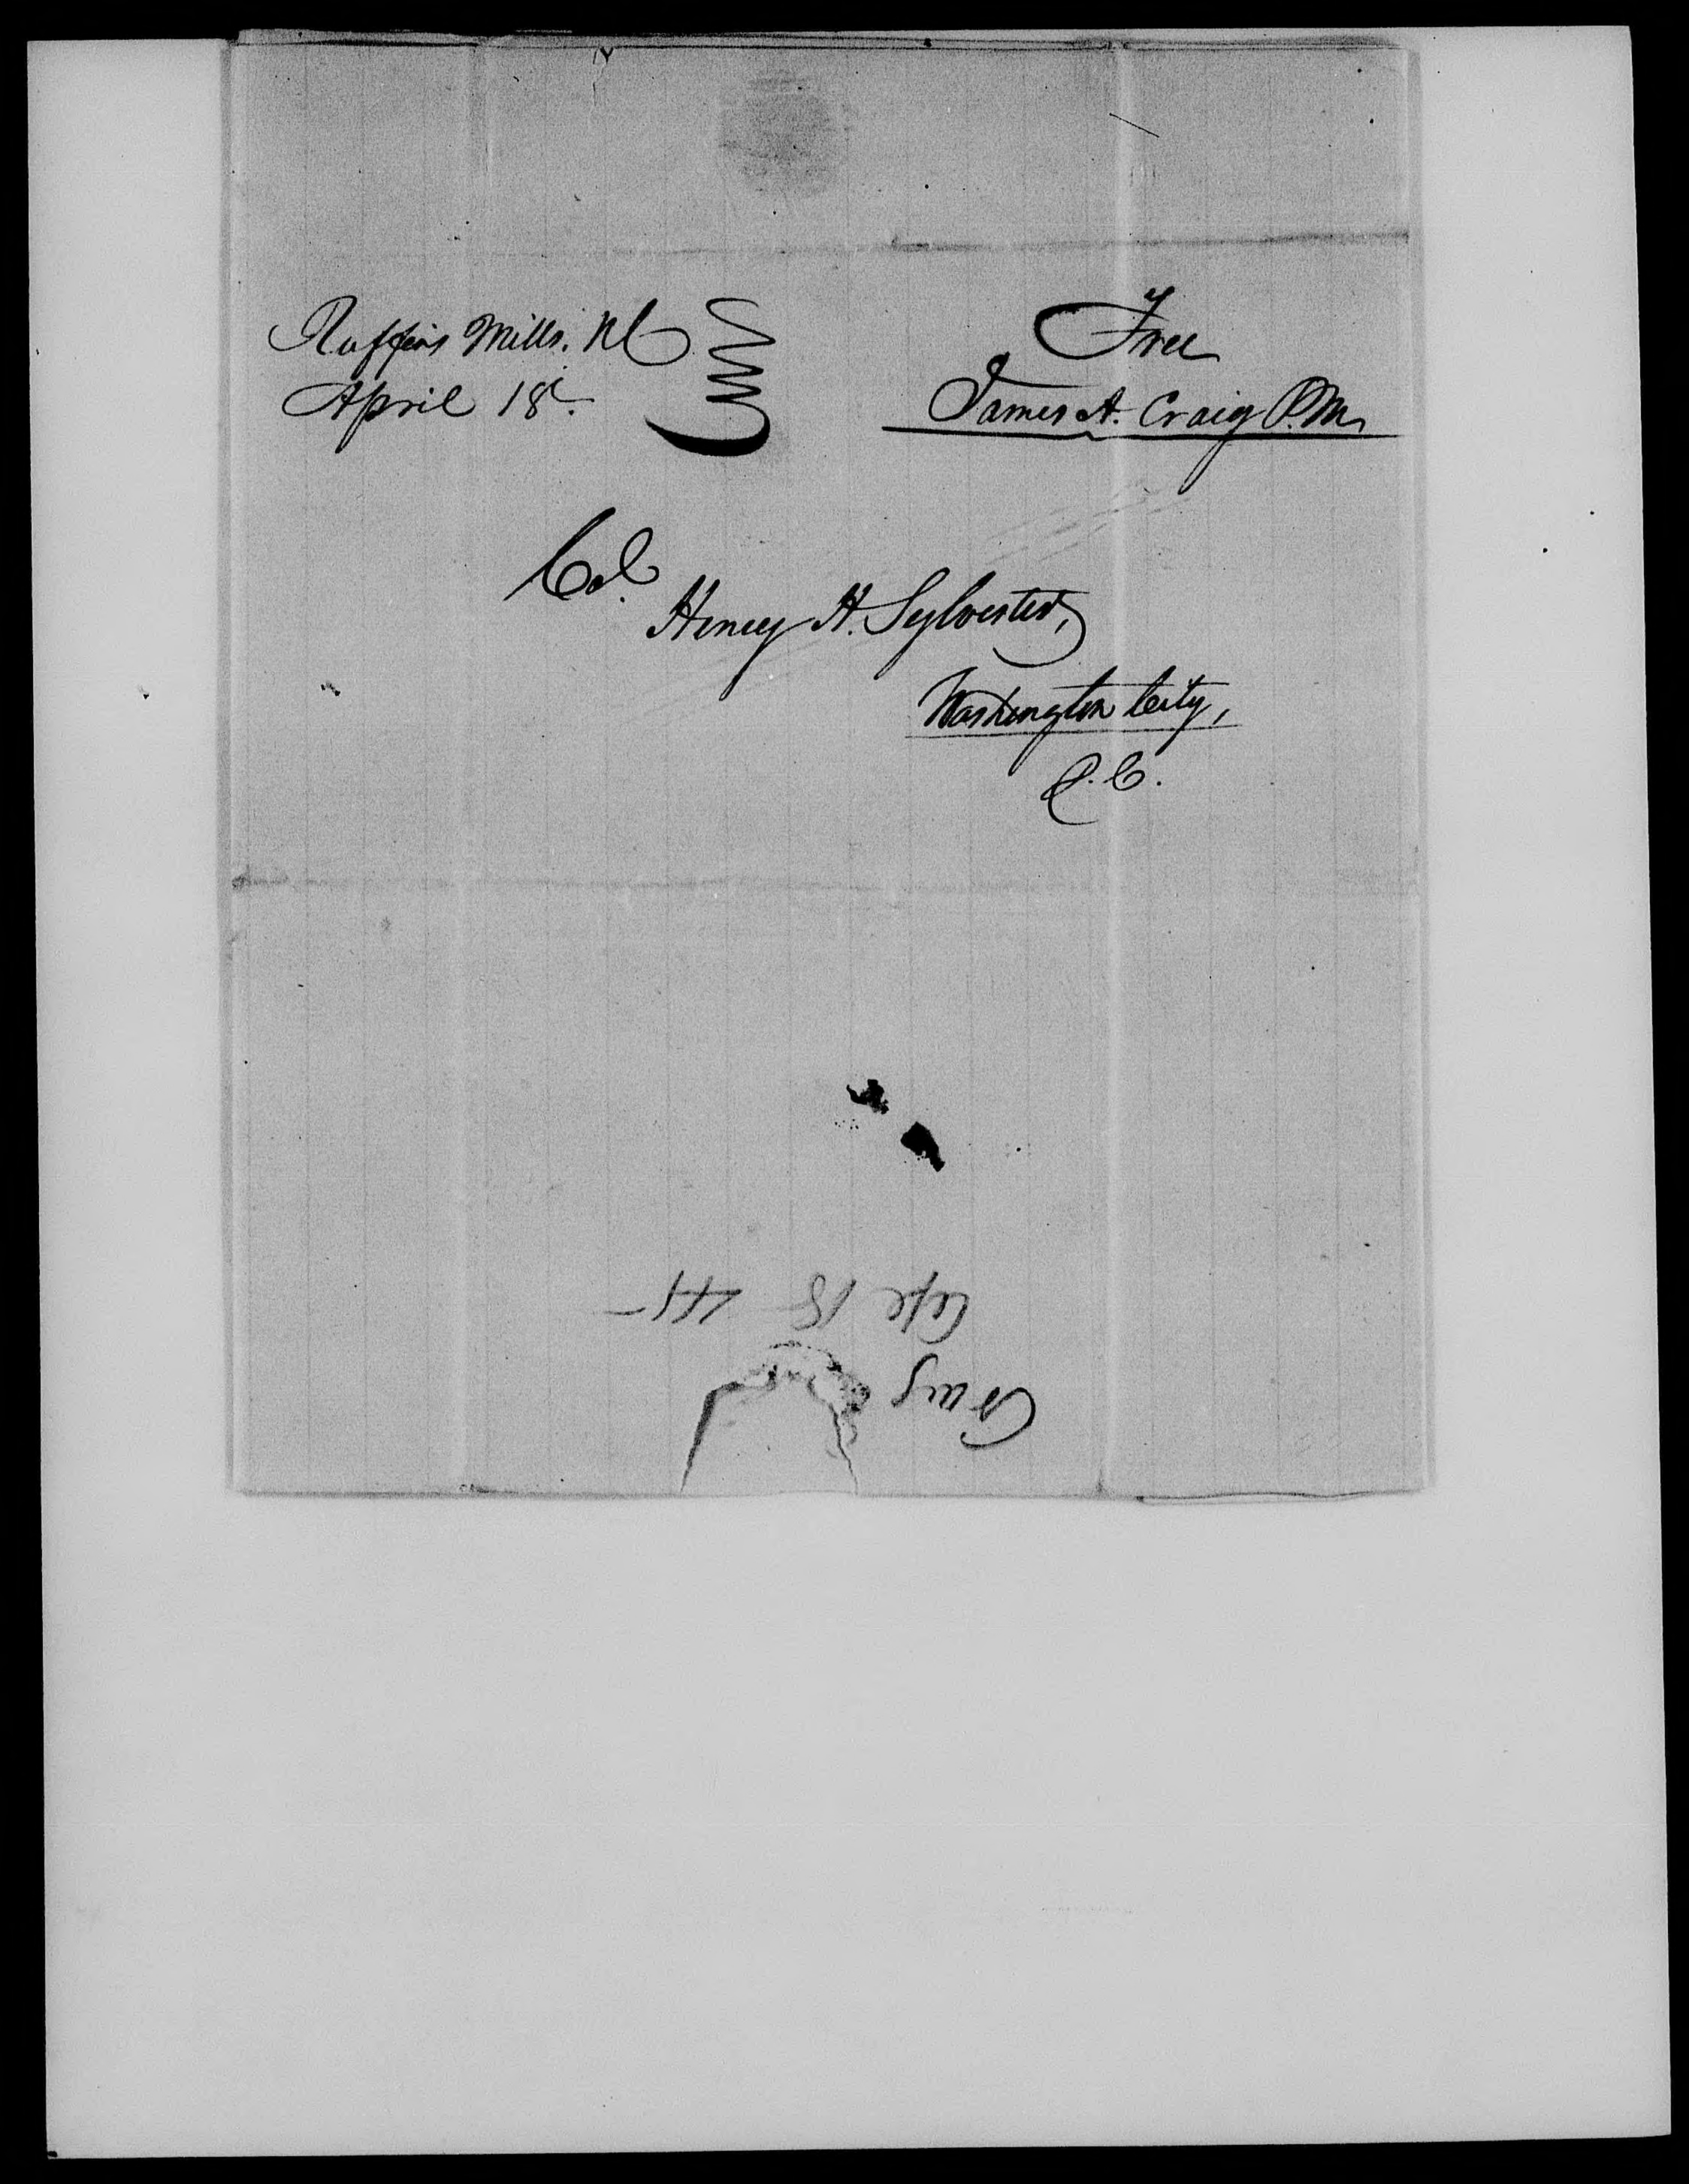Ruffins Mills, NC} Free
April 18} James A. Craig P.M.

Col. Henry H. Sylvester
Washington City, D. C.

[written upside down] Craig Apl [April] 18 44-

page: 31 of 41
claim: widow's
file: W. 5033, for Joseph Johnston, North Carolina